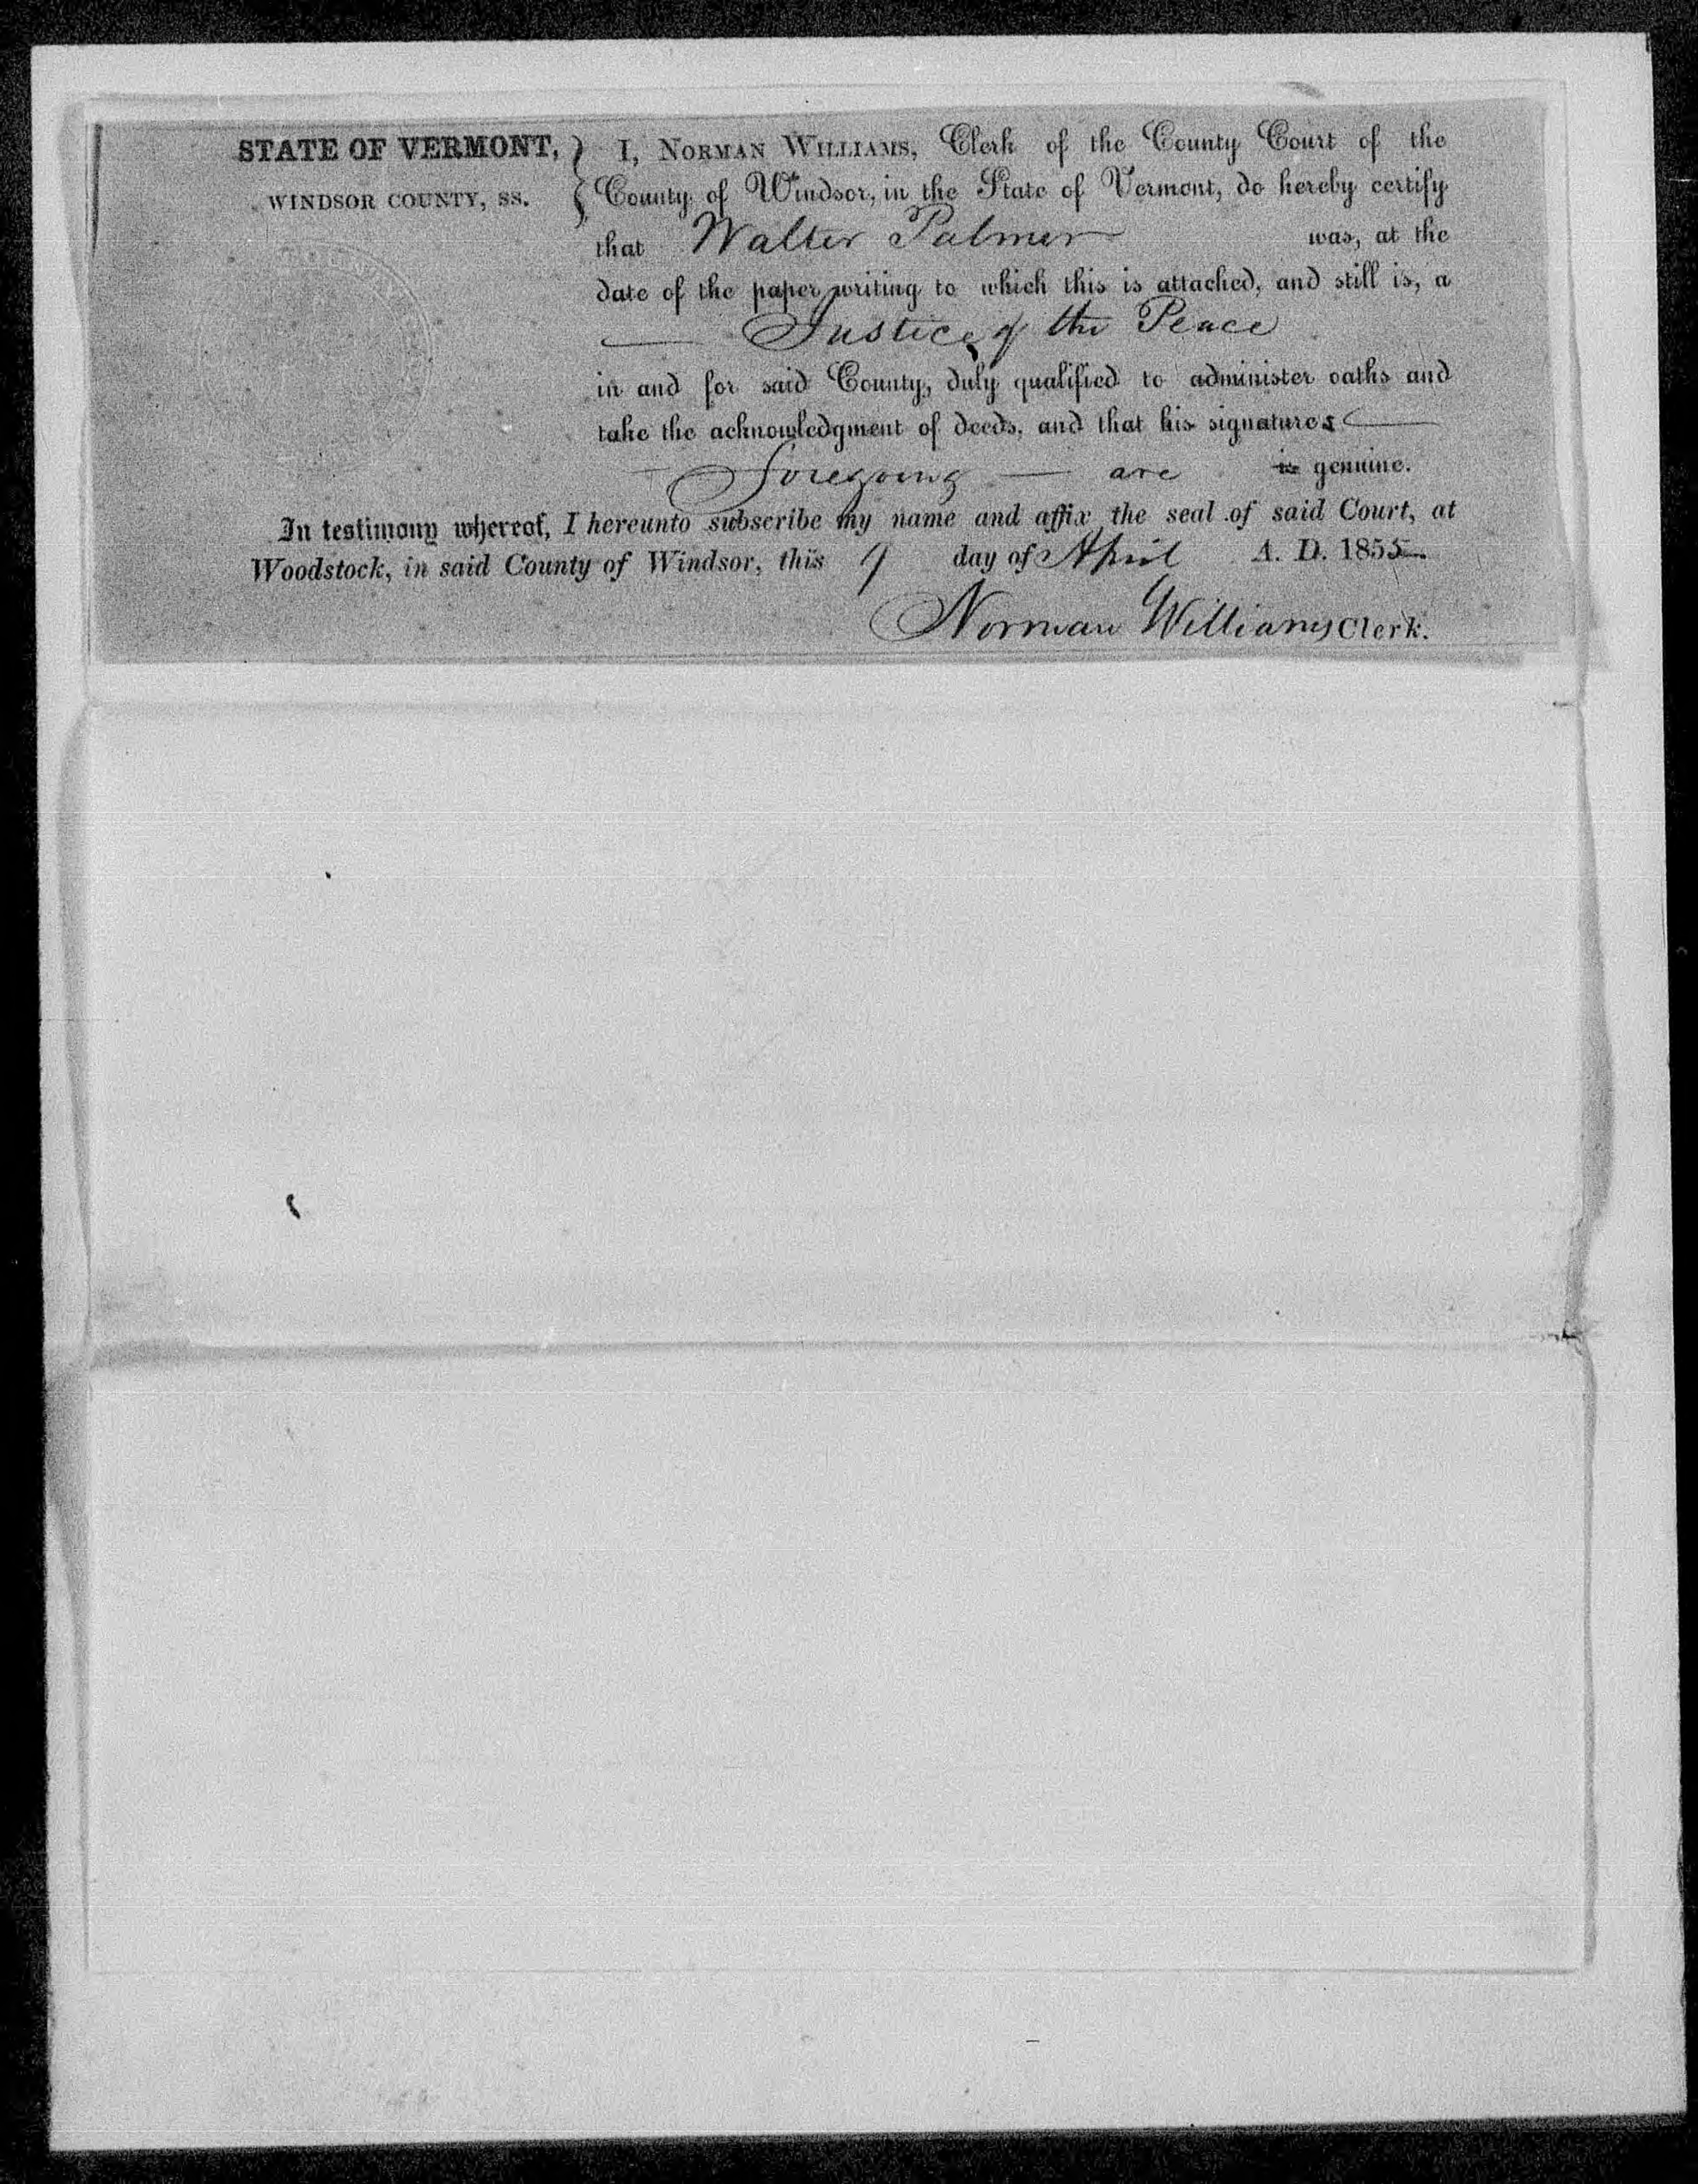STATE OF VERMONT
WINDSOR COUNTY, SS.
I, NORMAN WILLIAMS, Clerk of the County Court of the County of Windsor, in the State of Vermont, do hereby certify that Walter Palmer
who, at the date of the paper writing to which this is attached, and still is, a
Justice of the Peace
in and for said County, duly qualified to administer oaths and take the acknowledgment of deeds, and that his signature foregoing are genuine.
In testimony wherof, I hereunto subscribe my name and affix the seal of the said Court
Woodstock, in said County of Windsor, this 1st day of April A. D. 1855.
Norman Williams   Clerk.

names: Norman Williams, Norman Williams, Walter Palmer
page: 14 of 33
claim: widow's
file: W. 4681, Josiah Gibbs, Mass